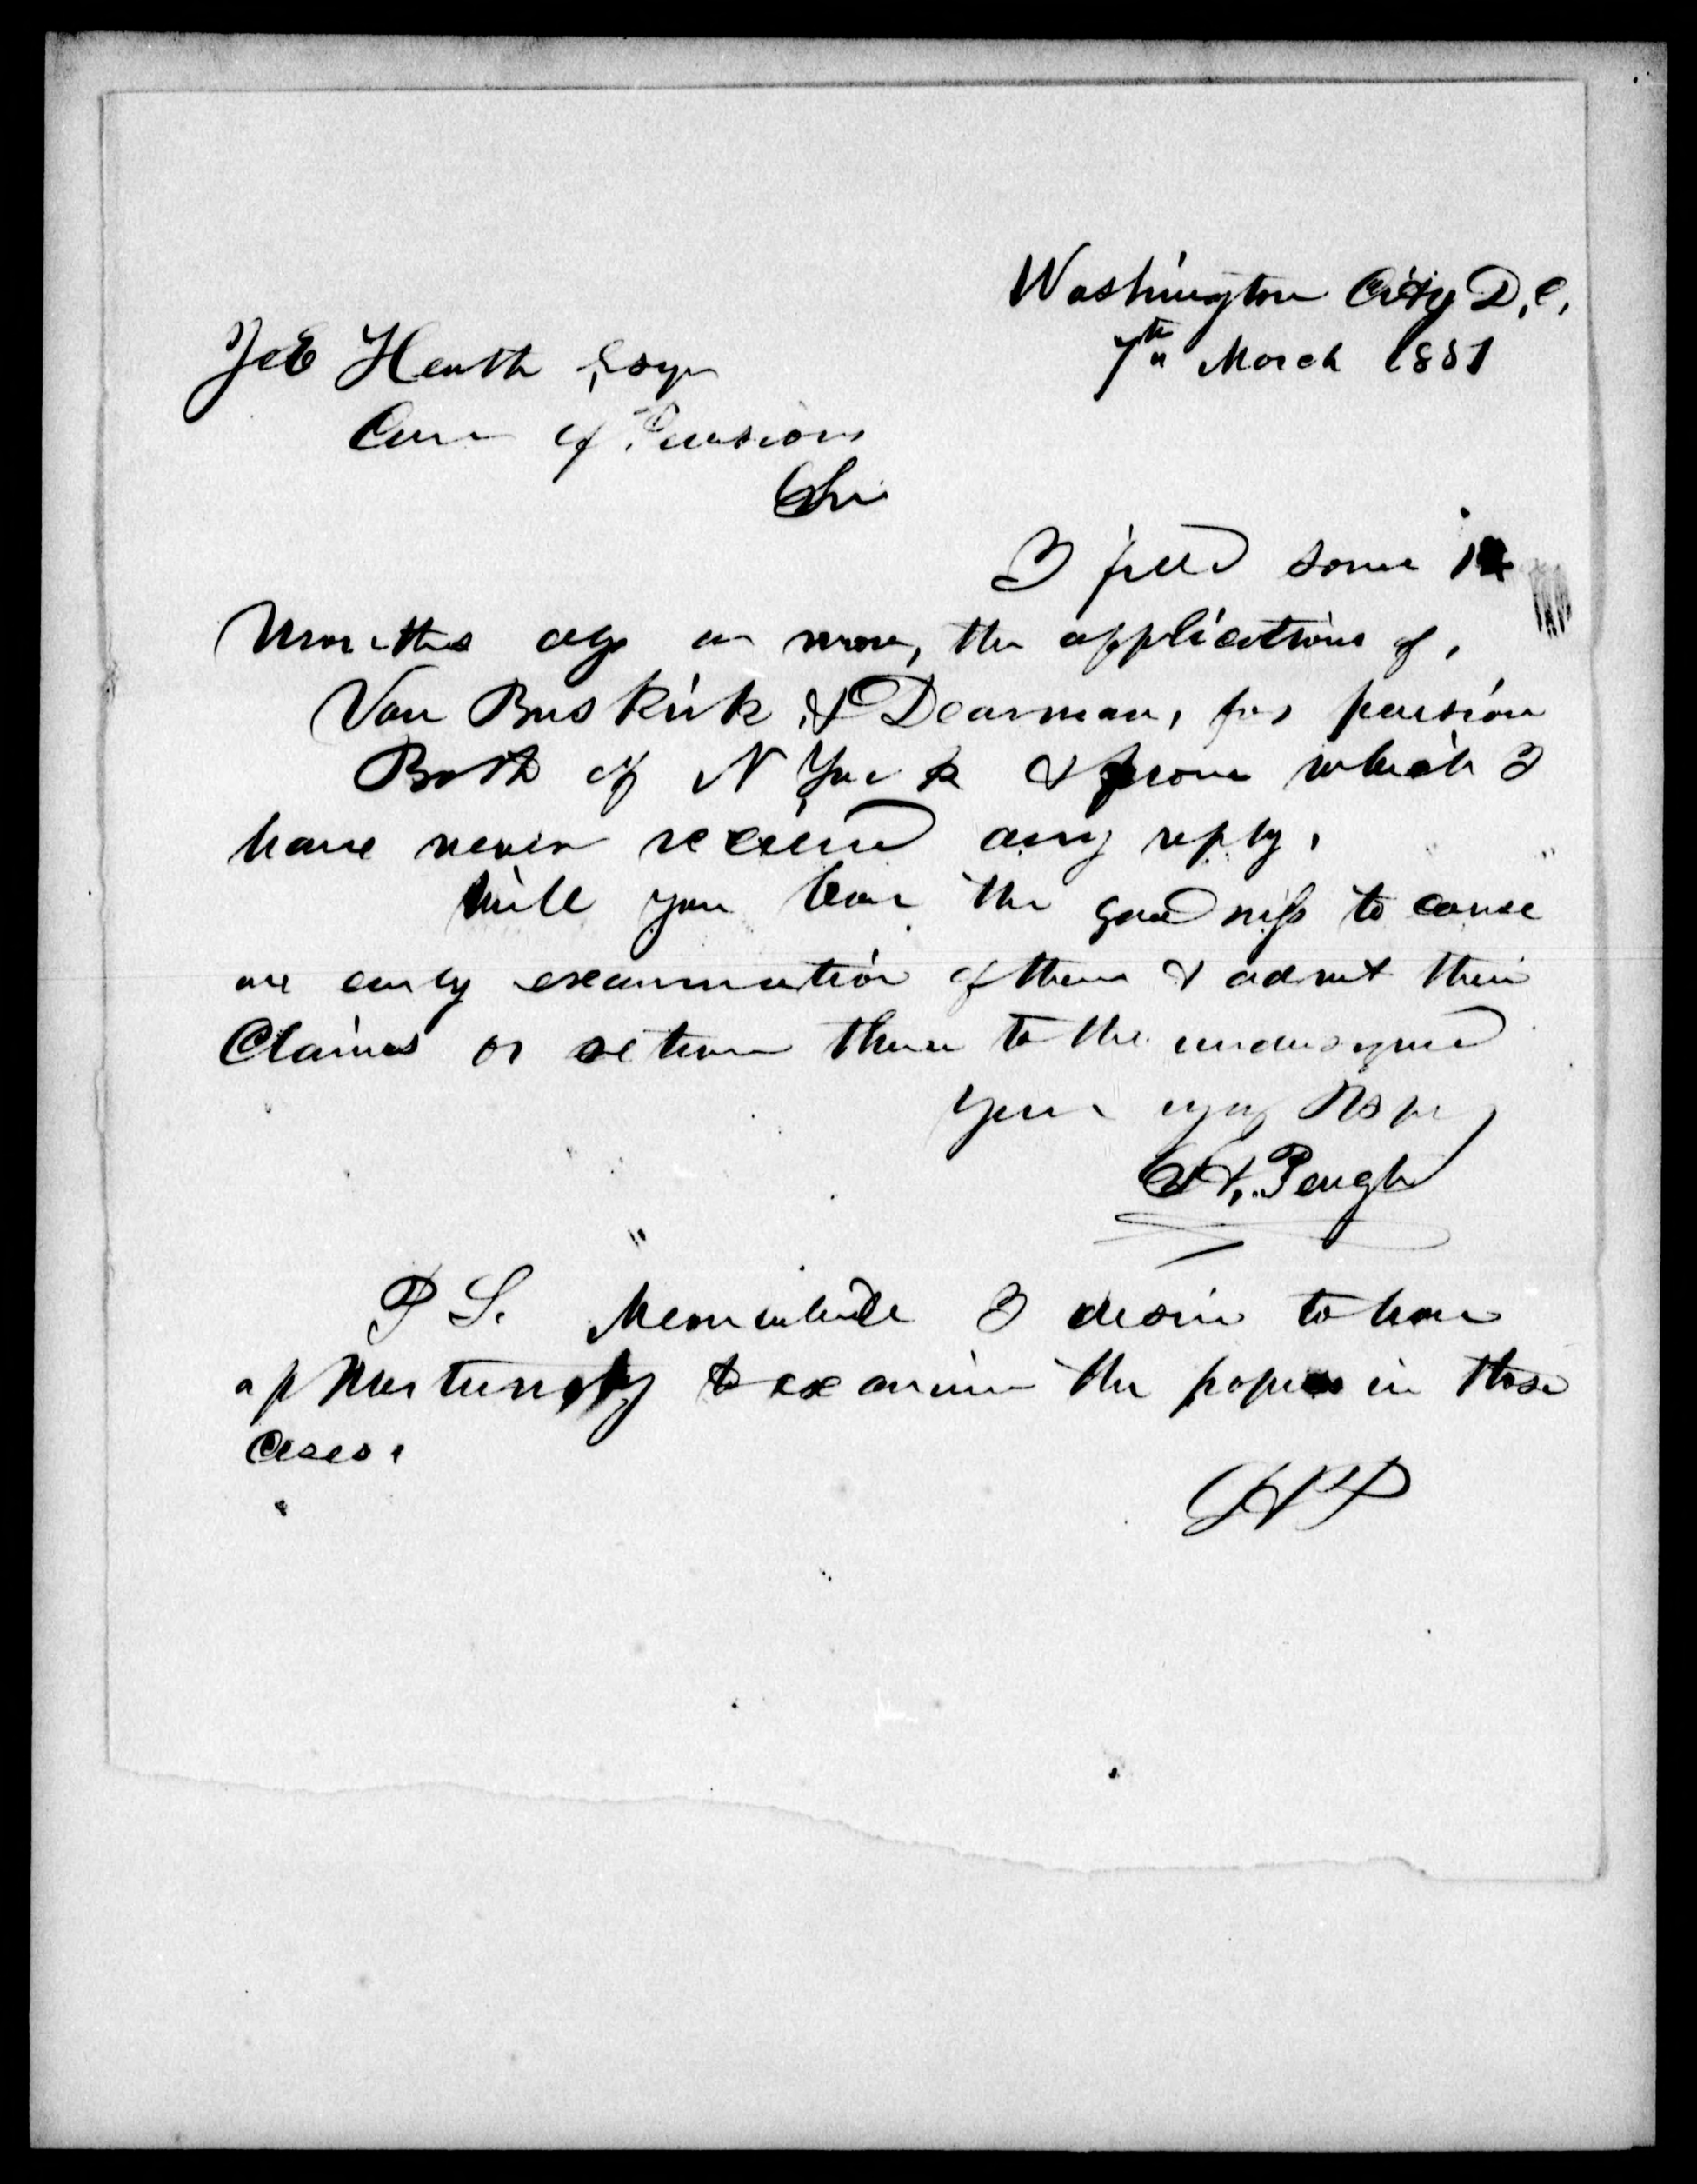Washington City D.C.
7th March 1881

J E Heath, Esqr
Comm of Pensions

Sir
I filed same 1[2?] months ago or more, the application of Van Buskirk & Dearman, for pensions

Both of N York & from which I have never received any reply.

Will you bear the goodness to cause an early examination of them & admit their claims or return them to the undersigned.

your [illegible]
S. A. Peugh

PS.  meanwhile I desire to have opportunity to examine the papers in those cases.
S.A.P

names: J E Heath, Van Buskirk, P S Meon, Dearman, S A Peugh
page: 30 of 70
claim: rejected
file: R. 10,832, Martin Van Buskirk, New York.